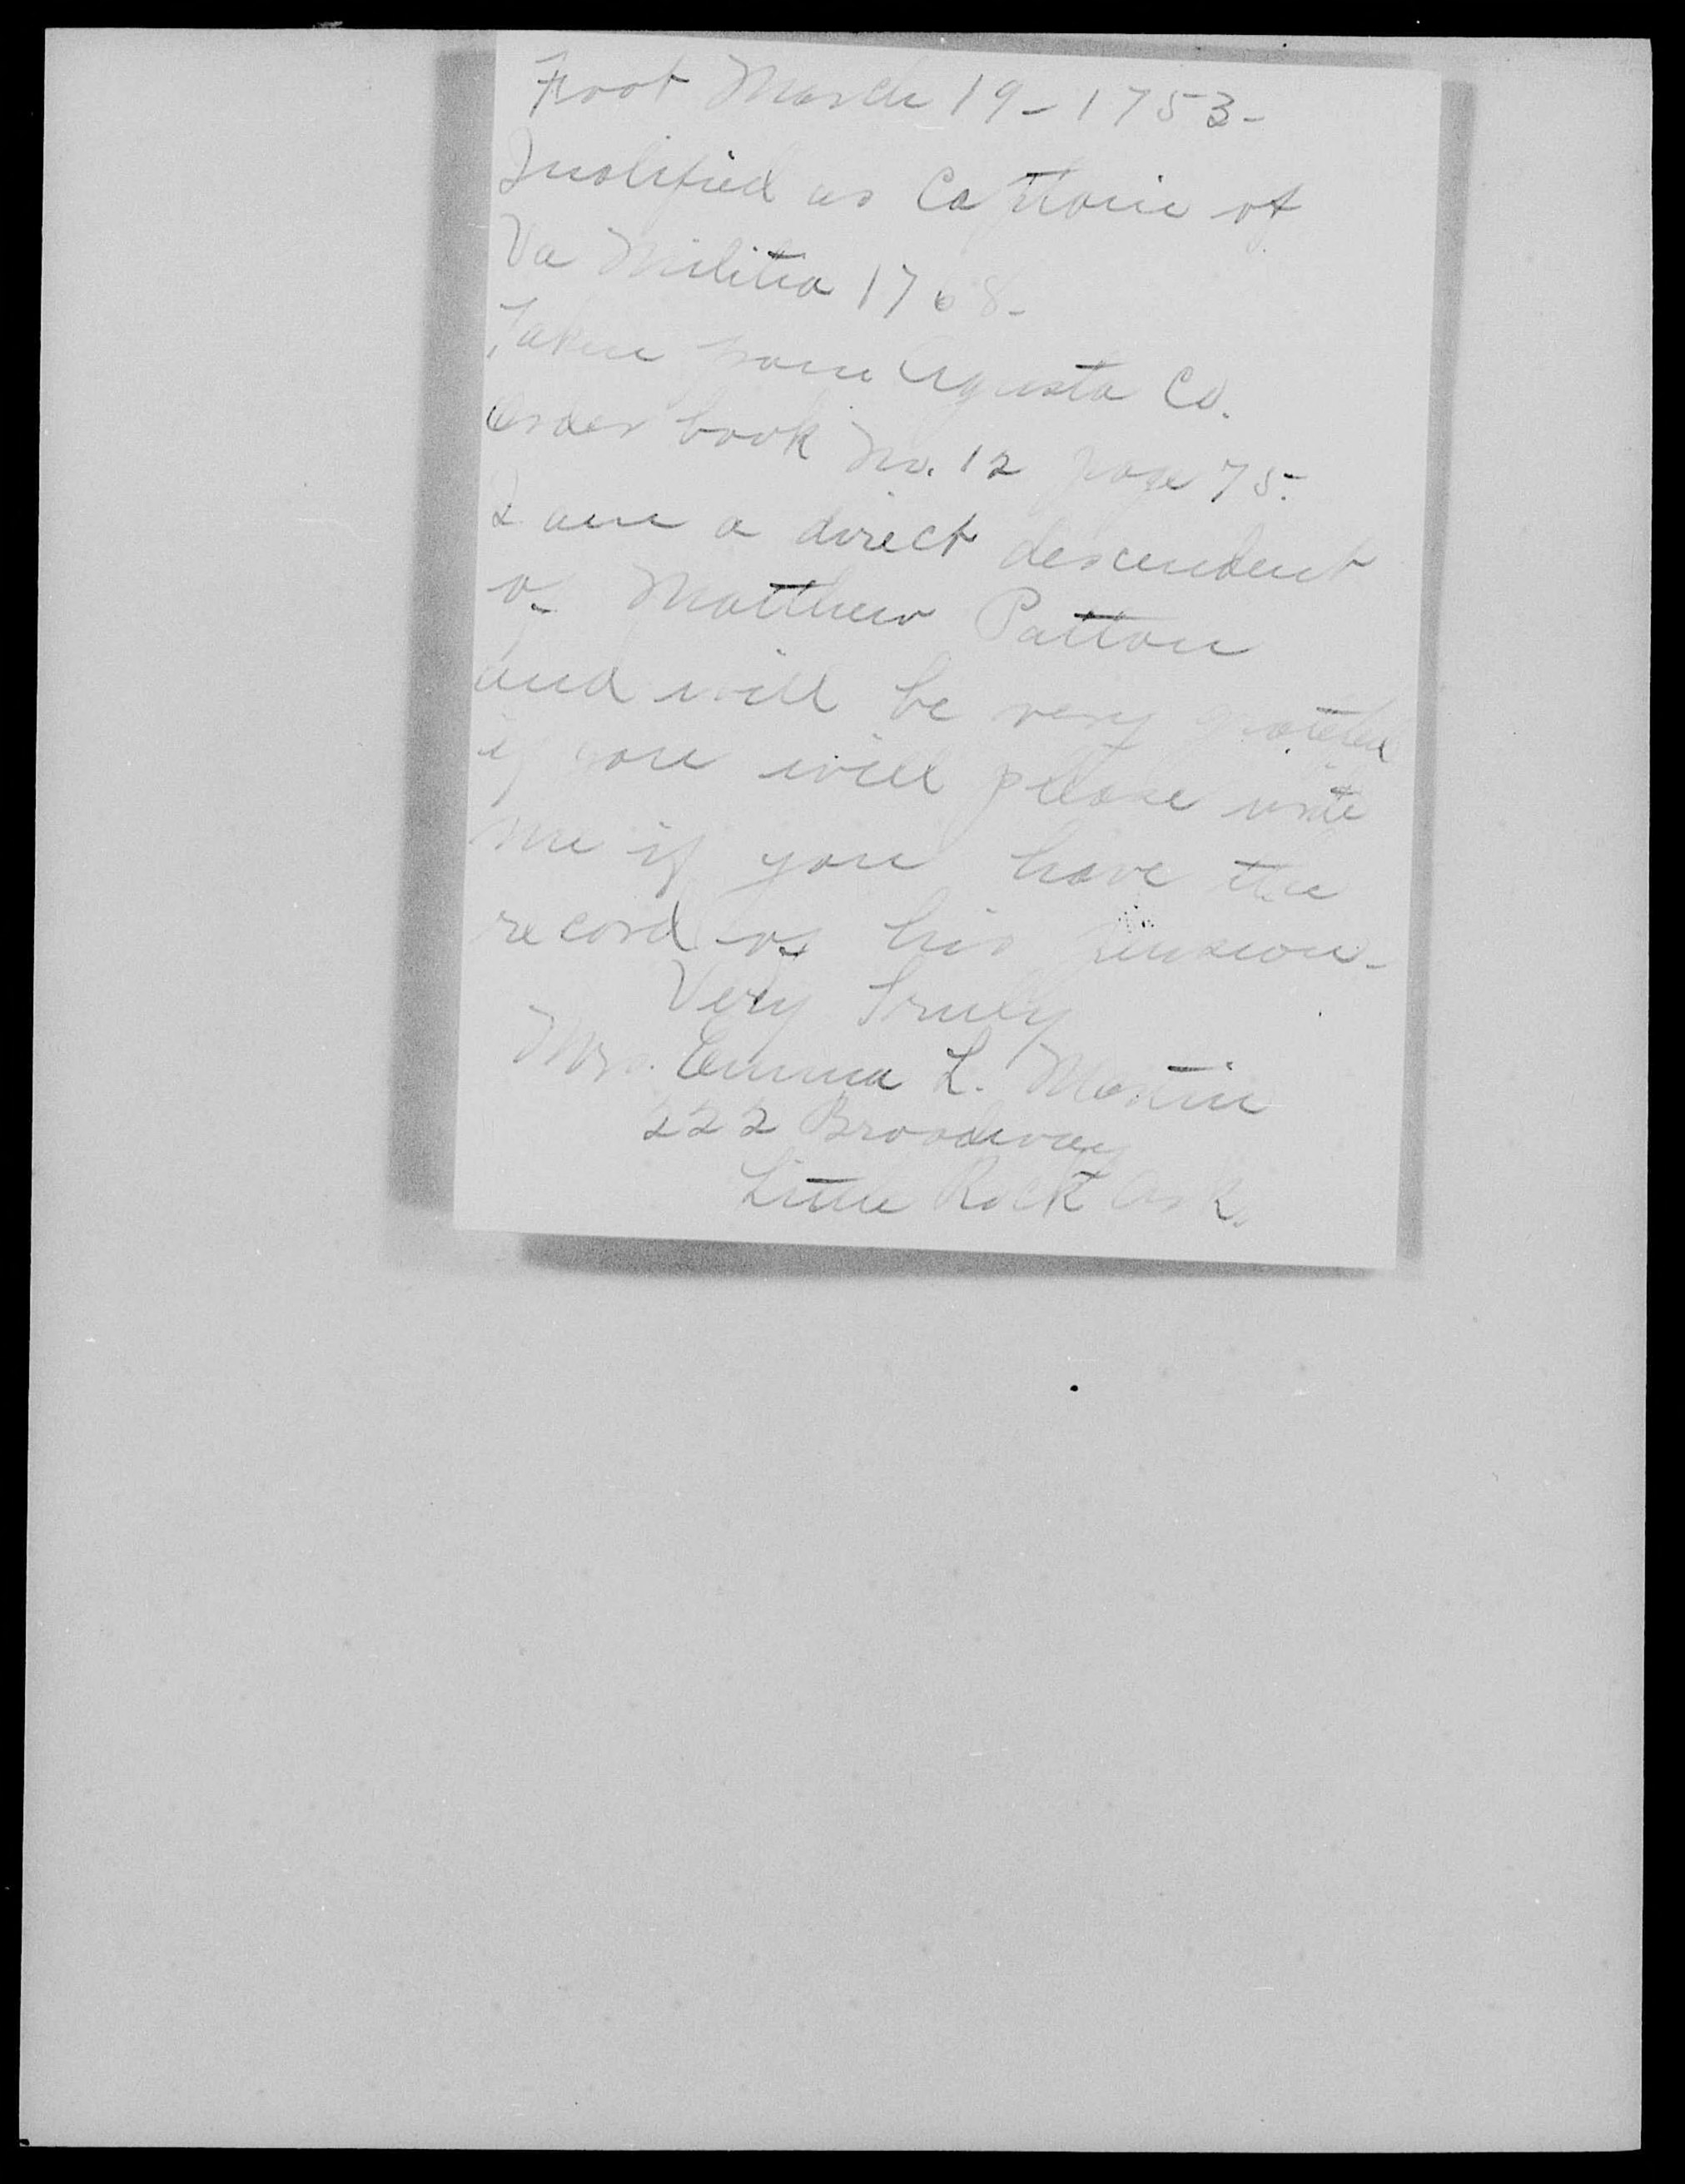Front Marleboro 19-1783
Described as Co. Travis of
the Militia 10.6. 
came from Virginia Co.
under Capt. J. R. Ware 1778
and was a direct descendant of
Mr. Matthew Patton
and will be most grateful
if you will please send
me if your records are
records. This information
Very truly,
Mrs. Lenora E. Downing
do 22 Broadway
Little Neck on L.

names: Matthew Patton; Emma L Martin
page: 23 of 45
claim: survivor's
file: S. 31294, for Matthew Patton, Maryland